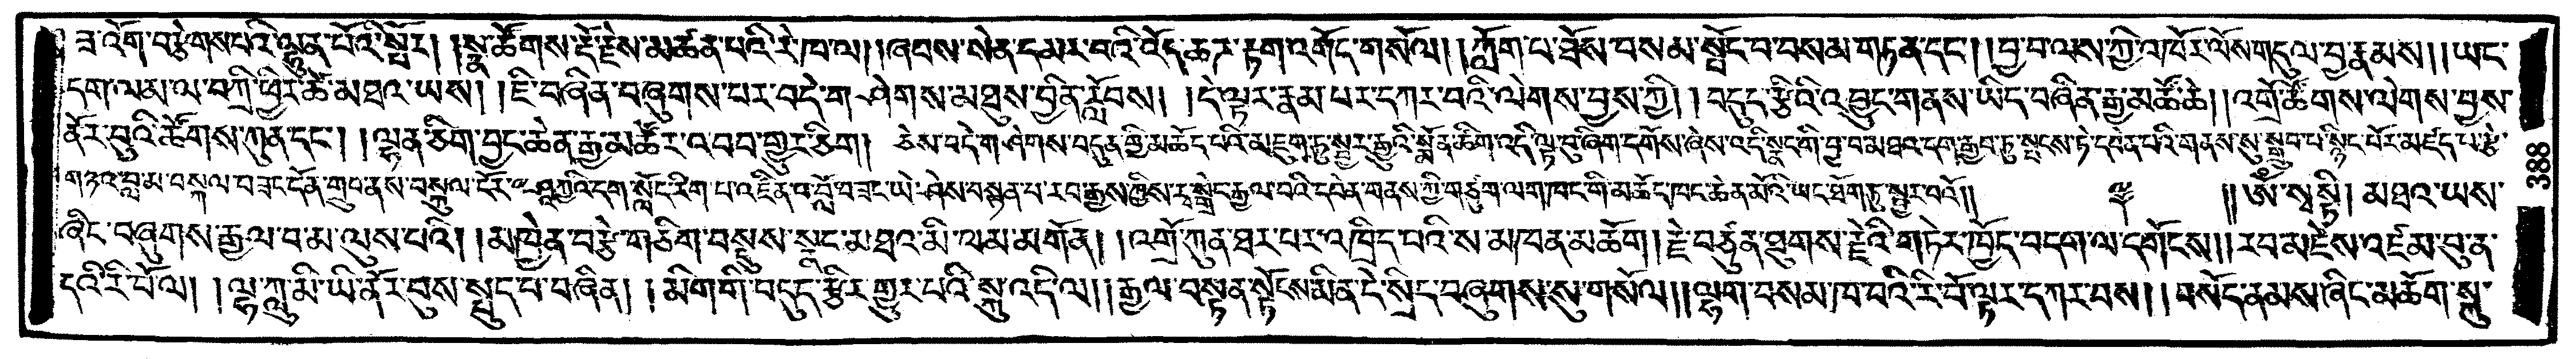ཟ་འོག་བརྩེགས་པའི་ལྷུན་པོའི་སྤོར། །སྣ་ཚོགས་རྡོ་རྗེས་མཚན་པའི་རེ་ཁ་ལ། །ཞབས་སེན་དམར་བའི་འོད་ཆགས་རྟག་འགོད་གསོལ། །ཀློག་པ་ཐོས་བསམ་སྤོང་བ་བསམ་གཏན་དང་། །བྱ་བ་ལས་ཀྱི་འཁོར་ལོས་གདུལ་བྱ་རྣམས། །ཡང་
དག་ལམ་ལ་བཀྲི་ཕྱིར་ཚེ་མཐའ་ཡས། །ཇི་བཞིན་བཞུགས་པར་བདེ་གཤེགས་མཐུས་བྱིན་རློབས། །དེ་ལྟར་རྣམ་པར་དཀར་བའི་ལེགས་བྱས་ཀྱི། །བདུད་རྩིའི་འབྱུང་གནས་ཡིད་བཞིན་རྒྱ་མཚོ་ཆེ། །འགྲོ་ཚོགས་ལེགས་བྱས་
ནོར་བུའི་ཚོགས་ཀུན་དང་། །ལྷན་ཅིག་བྱང་ཆེན་རྒྱ་མཚོར་འབབ་གྱུར་ཅིག །ཅེས་བདེ་གཤེགས་བདུན་གྱི་མཆོད་པའི་མཇུག་ཏུ་སྦྱར་རྒྱུའི་སྨོན་ཚིག་འདི་ལྟ་བུ་ཞིག་དགོས་ཞེས་འདི་སྣང་གི་བྱ་བ་མཐའ་དག་རྒྱབ་ཏུ་སྤངས་ཏེ་དབེན་པའི་གནས་སུ་སྒྲུབ་པ་སྙིང་པོར་མཛད་པ་རྩེ་
གཉའ་བླ་མ་བསྐལ་བཟང་དོན་གྲུབ་ནས་བསྐུལ་ངོར ༧ཤཱཀྱའི་དགེ་སློང་རིག་པ་འཛིན་པ་བློ་བཟང་ཡེ་ཤེས་བསྟན་པ་རབ་རྒྱས་ཀྱིས་རྭ་སྒྲེང་རྒྱལ་བའི་དབེན་གནས་ཀྱི་གཙུག་ལག་ཁང་གི་མཆོད་ཁང་ཆེན་མོའི་ཡང་ཐོག་ཏུ་སྦྱར་བའོ།། ༈ །།ཨོཾ་སྭ་སྟི། མཐའ་ཡས་
ཞིང་བཞུགས་རྒྱལ་བ་མ་ལུས་པའི། །མཁྱེན་བརྩེ་གཅིག་བསྡུས་སྣང་མཐའ་མི་ལམ་མགོན། །འགྲོ་ཀུན་ཐར་པར་འཁྲིད་པའི་ས་མཁན་མཆོག །རྗེ་བཙུན་ཐུགས་རྗེའི་གཏེར་ཁྱོད་བདག་ལ་དགོངས། །རབ་མཛེས་འཛམ་བུ་ན་
དའི་རི་བོ་ལ། །ལྷ་ཀླུ་མི་ཡི་ནོར་བུས་སྤུད་པ་བཞིན། །མིག་གི་བདུད་རྩིར་གྱུར་པའི་སྐུ་འདི་ལ། །རྒྱལ་བསྟན་སྟོངས་མིན་དེ་སྲིད་བཞུགས་སུ་གསོལ། །ལྷག་བསམ་ཁ་བའི་རི་བོ་ལྟར་དཀར་བས། །བསོད་ནམས་ཞིང་མཆོག་སྐུ་